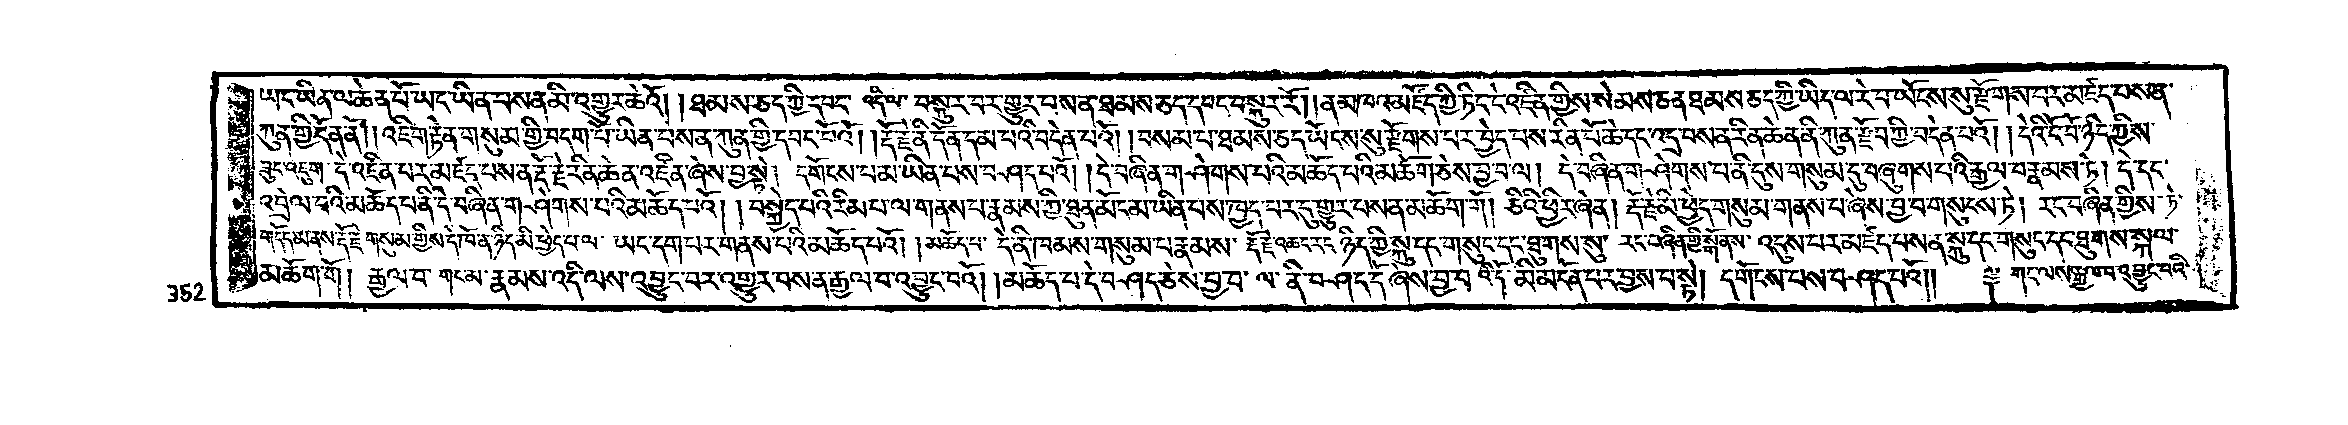ཡང་ཡིན་ལ་ཆེན་པོ་ཡང་ཡིན་པས་ན་མི་འགྱུར་ཆེའོ། །ཐམས་ཅད་ཀྱི་དབང་འདི་ལ་བསྐུར་བར་གྱུར་པས་ན་ཐམས་ཅད་དབང་བསྐུར་རོ། །ནམ་མཁའ་མཛོད་ཀྱི་ཏིང་ངེ་འཛིན་གྱིས་སེམས་ཅན་ཐམས་ཅད་ཀྱི་ཡིད་ལ་རེ་བ་ཡོངས་སུ་རྫོགས་པར་མཛད་པས་ན་
ཀུན་གྱི་དོན་ནོ། །འཇིག་རྟེན་གསུམ་གྱི་བདག་པོ་ཡིན་པས་ན་ཀུན་གྱི་དབང་པོའོ། །རྡོ་རྗེ་ནི་དོན་དམ་པའི་བདེན་པའོ། །བསམ་པ་ཐམས་ཅད་ཡོངས་སུ་རྫོགས་པར་བྱེད་པས་རིན་པོ་ཆེ་དང་འདྲ་བས་ན་རིན་ཆེན་ནི་ཀུན་རྫོབ་ཀྱི་བདེན་པའོ། །དེའི་ངོ་བོ་ཉིད་ཀྱིས་
ཟུང་འཇུག་དེ་འཛིན་པར་མཛད་པས་ན་རྡོ་རྗེ་རིན་ཆེན་འཛིན་ཞེས་བྱ་སྟེ། དགོངས་པ་མ་ཡིན་པས་བཤད་པའོ། །དེ་བཞིན་གཤེགས་པའི་མཆོད་པའི་མཆོག་ཅེས་བྱ་བ་ལ། དེ་བཞིན་གཤེགས་པ་ནི་དུས་སུམ་དུ་བཞུགས་པའི་རྒྱལ་བ་རྣམས་ཏེ། དེ་དང་
འབྲེལ་བའི་མཆོད་པ་ནི་དེ་བཞིན་གཤེགས་པའི་མཆོད་པའོ། །བསྐྱེད་པའི་རིམ་པ་ལ་གནས་པ་རྣམས་ཀྱི་ཐུན་མོང་མ་ཡིན་པས་ཁྱད་པར་དུ་གྱུར་པས་ན་མཆོག་གོ །ཅིའི་ཕྱིར་ཞེ་ན། རྡོ་རྗེ་མི་ཕྱེད་གསུམ་གནས་པ་ཞེས་བྱ་བ་གསུངས་ཏེ། རང་བཞིན་གྱིས་ཏེ་
གདོད་མ་ནས་རྡོ་རྗེ་གསུམ་གྱིས་དེ་ཁོ་ན་ཉིད་མི་ཕྱེད་པ་ལ་ཡང་དག་པར་གནས་པའི་མཆོད་པའོ། ། མཆོད་པ་དེ་ནི་ཁམས་གསུམ་པ་རྣམས་རྡོ་རྗེ་འཆང་རང་ཉིད་ཀྱི་སྐུ་དང་གསུང་དང་ཐུགས་སུ་རང་བཞིན་གྱི་སྒོ་ནས་འདུས་པར་མཛད་པས་ན་སྐུ་དང་གསུང་དང་ཐུགས་སྐལ་
མཆོག་གོ །རྒྱལ་བ་གང་མ་རྣམས་འདི་ལས་འབྱུང་བར་འགྱུར་བས་ན་རྒྱལ་བ་འབྱུང་བའོ། །མཆོད་པ་དེ་བཤད་ཅེས་བྱ་བ་ལ་ནི་བཤད་དོ་ཞེས་བྱ་བའི་དོ་མི་མངོན་པར་བྱས་པ་སྟེ། དགོངས་པས་བཤད་པའོ།། ༈ གང་ལས་རྒྱལ་བ་འབྱུང་བའི་